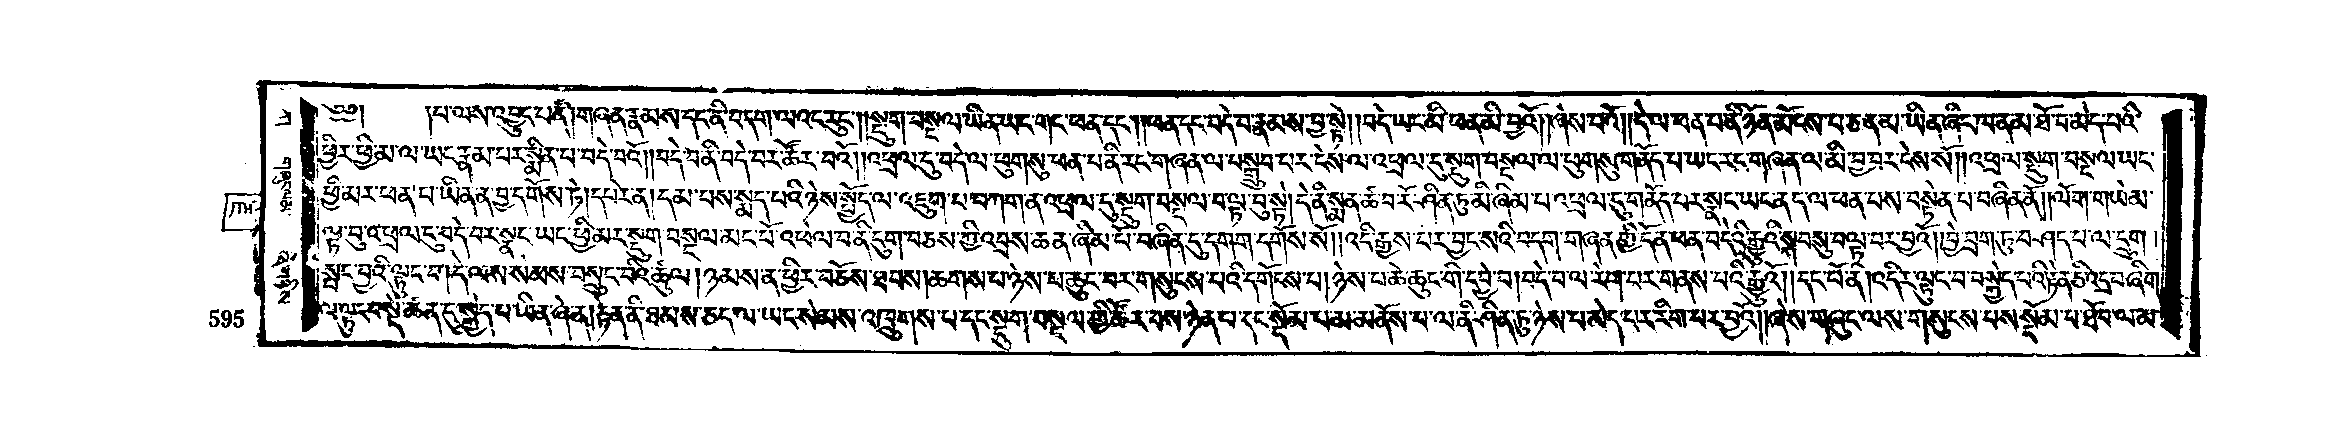༄༅། །པ་ལས་འབྱུང་བ་ནི། གཞན་རྣམས་དང་ནི་བདག་ལའང་རུང་། །སྡུག་བསྔལ་ཡིན་ཡང་གང་ཕན་དང་། །ཕན་དང་བདེ་བ་རྣམས་བྱ་སྟེ། །བདེ་ཡང་མི་ཕན་མི་བྱའོ། །ཞེས་བའོ། །དེ་ལ་ཕན་པ་ནི་ཉོན་མོངས་པ་ཅན་མ་ཡིན་ཞིང་ཁ་ན་མ་ཐོ་བ་མེད་པའི་
ཕྱིར་ཕྱི་མ་ལ་ཡང་རྣམ་པར་སྨིན་པ་བདེ་བའོ། །བདེ་བ་ནི་བདེ་བར་ཚོར་བའོ། །འཕྲལ་དུ་བདེ་ལ་ཕུགས་སུ་ཕན་པ་ནི་རང་གཞན་ལ་བསྒྲུབ་པར་ངེས་ལ་འཕྲལ་དུ་སྡུག་བསྔལ་ལ་ཕུགས་སུ་གནོད་པ་ཡང་རང་གཞན་ལ་མི་བྱ་བར་ངེས་སོ། །འཕྲལ་སྡུག་བསྔལ་ཡང་
ཕྱི་མར་ཕན་པ་ཡིན་ན་བྱ་དགོས་ཏེ། དཔེར་ན། དམ་པས་སྨད་པའི་ཉེས་སྤྱོད་ལ་འཇུག་པ་བཀག་ན་འཕྲལ་དུ་སྡུག་བསྔལ་བ་ལྟ་བུ་སྟེ། དེ་ནི་སྨན་ཚ་བ་རོ་ཤིན་ཏུ་མི་ཞིམ་པ་འཕྲལ་དུ་གནོད་པར་སྣང་ཡང་ནད་ལ་ཕན་པས་བསྟེན་པ་བཞིན་ནོ། །ལོག་གཡེམ་
ལྟ་བུ་འཕྲལ་དུ་བདེ་བར་སྣང་ཡང་ཕྱི་མར་སྡུག་བསྔལ་མང་པོ་འཕེལ་བ་ནི་དུག་བཅས་ཀྱི་འབྲས་ཆན་ཞིམ་པོ་བཞིན་དུ་དགག་དགོས་སོ། །འདི་རྒྱས་པར་བྱང་སའི་བདག་གཞན་གྱི་དོན་ཕན་བདེའི་རྒྱུའི་སྐབས་སུ་བལྟ་བར་བྱའོ། །བྱེ་བྲག་ཏུ་བཤད་པ་ལ་དྲུག།
སྤང་བྱའི་ལྟུང་བ་དེ་ལས་སེམས་བསྲུང་བའི་ཚུལ། ཉམས་ན་ཕྱིར་བཅོས་ཐབས། ཆགས་པ་ཉེས་པ་ཆུང་བར་གསུངས་པའི་དགོངས་པ། ཉེས་པ་ཆེ་ཆུང་གི་དབྱེ་བ། བདེ་བ་ལ་རེག་པར་གནས་པའི་རྒྱུའོ། །དང་པོ་ནི། འདིར་ལྟུང་བ་བསྐྱེད་པའི་རྟེན་ཅི་འདྲ་བ་ཞིག་
ལ་ལྟུང་བ་སྡེ་ཚན་དུ་སྐྱེད་པ་ཡིན་ཞེ་ན། རྟེན་ནི་ཐམས་ཅད་ལ་ཡང་སེམས་འཁྲུགས་པ་དང་སྡུག་བསྔལ་གྱི་ཚོར་བས་ཉེན་པ་དང་སྡོམ་པ་མ་མནོས་པ་ལ་ནི་ཤིན་ཏུ་ཉེས་པ་མེད་པར་རིག་པར་བྱའོ། །ཞེས་གཞུང་ལས་གསུངས་པས་སྡོམ་པ་ཐོབ་ལམ་